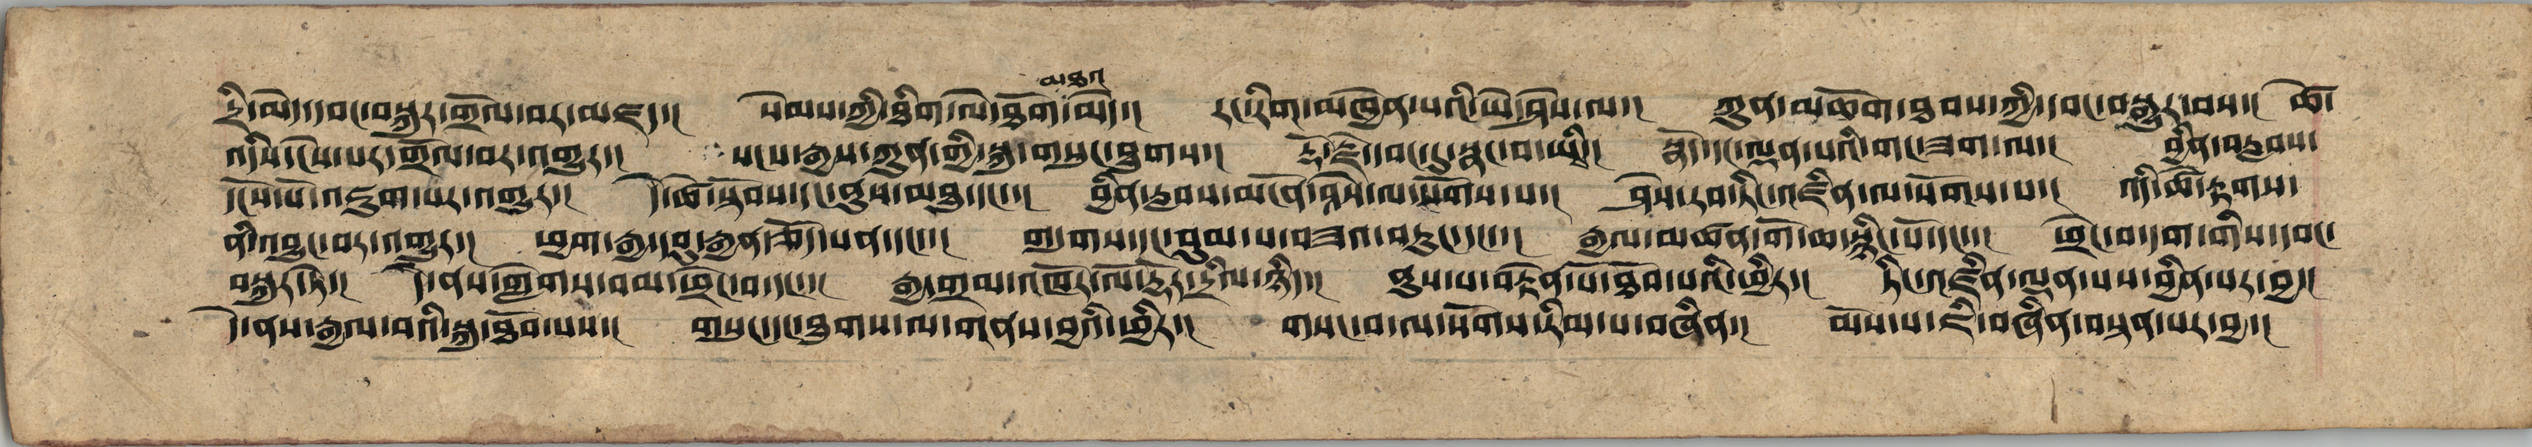དྲི་མེད་དབང་བསྐུར་གྲོལ་བར་མཛད་། སེམས་ཀྱི་ཐིག་ལེ་ཐོག་མེད་། རང་རིག་མཁྱེན་པའི་ཡེ་ཤེས་ལ་། ཀུན་མཆོག་ཐབས་ཀྱི་དབང་བསྐུར་བས་། ཚེ་
འདིས་ངེས་པར་གྲོལ་བར་འགྱུར་། སངས་རྒྱས་ཀུན་གྱི་སྐུ་གསུང་ཐུགས་། རྡོ་རྗེ་དབང་དུ་སྣང་བ་ཡིས་། སྣོད་དང་ལྡན་པའི་ལགང་ཟག་ལ་། བྱིན་བརླབས་
དངོས་པོ་འཇུག་པར་འགྱུར་། དེ་ཚེ་སྟོབས་དང་ནུས་མཐུ་དང་་། བྱིན་རླབས་མངོན་ཤེས་ལ་སོགས་པ་། ཤེས་རབ་ཏིང་འཛིན་ལ་སོགས་པ་། འདི་ཚེ་རྟགས་
ནི་འབྱུང་བར་འགྱུར་། ཕྱག་རྒྱ་དབུ་རྒྱན་ཅོད་པན་དང་་། གདུགས་དང་བུམ་པ་བཟའ་བཏུང་དང་་། རྒྱལ་མཚན་གོ་ཆ་སྙིང་པོ་དང་་། ཕྲེང་བ་དག་གིས་དབང་
བསྐུར་ཏེ་། དེ་ནས་གླེགས་བམ་ཕྲེང་བ་དང་་། རྒྱ་གྲམ་འཁོར་ལོ་རྡོར་དྲིལ་ཉིད་། ནུས་པ་བརྟེན་པོ་ཐོབ་པའི་ཕྱིར་། ཏིང་འཛིན་ལྡན་པས་བྱིན་པར་བྱ་།
དེ་ནས་རྒྱལ་བའི་སྐུ་ཐོབ་པས་། གསུང་དང་ཐུགས་ལ་གནས་བྱའི་ཕྱིར་། གསང་བ་ལ་སོགས་རིམ་པ་བཞིན་། མོས་པ་ཇི་བཞིན་བསྟན་པར་བྱ་།